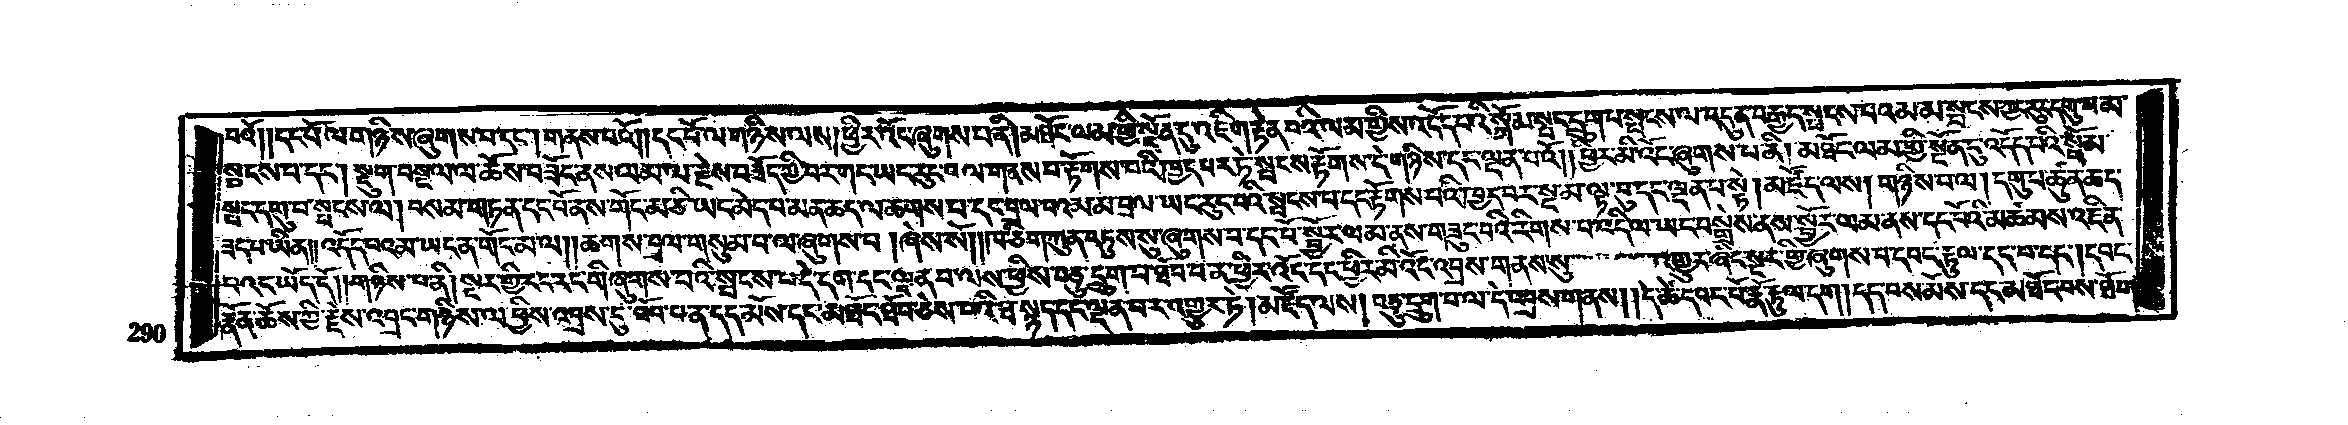བའོ། །དང་པོ་ལ་གཉིས་ཞུགས་པ་དང་། གནས་པའོ། །དང་པོ་ལ་གཉིས་ལས། ཕྱིར་འོང་ཞུགས་པ་ནི། མཐོང་ལམ་གྱི་སྔོན་དུ་འཇིག་རྟེན་པའི་ལམ་གྱིས་འདོད་པའི་སྒོམ་སྤང་དྲུག་པ་སྤངས་ལ་བདུན་བརྒྱད་སྤངས་པའམ་མ་སྤངས་ཀྱང་རུང་དགུ་པ་མ་
སྤངས་པ་དང་། སྡུག་བསྔལ་ལ་ཆོས་བཟོད་ནས་ལམ་ལ་རྗེས་བཟོད་ཀྱི་བར་གང་ཡང་རུང་བ་ལ་གནས་པ་རྟོགས་པའི་ཁྱད་པར་ཏེ་སྤངས་རྟོགས་དེ་གཉིས་དང་ལྡན་པའོ། །ཕྱིར་མི་འོང་ཞུགས་པ་ནི། མཐོང་ལམ་གྱི་སྔོན་དུ་འདོད་པའི་སྒོམ་
སྤང་དགུ་པ་སྤངས་ལ། བསམ་གཏན་དང་པོ་ནས་གོང་མ་ཅི་ཡང་མེད་པ་མན་ཆད་ལ་ཆགས་པ་དང་བྲལ་བའམ་མ་བྲལ་ཡང་རུང་བའི་སྤངས་པ་དང་རྟོགས་པའི་ཁྱད་པར་སྔ་མ་ལྟ་བུ་དང་ལྡན་པ་སྟེ། མཛོད་ལས། གཉིས་པ་ལ། དགུ་པ་ཚུན་ཆད་
ཟད་པ་ཡིན། །འདོད་པའམ་ཡང་ན་གོང་མ་ལ། །ཆགས་བྲལ་གསུམ་པ་ལ་ཞུགས་པ། ཞེས་སོ། །ཁ་ཅིག་ཀུན་བཏུས་སུ་ཞུགས་པ་དང་པོ་སྦྱོར་ལམ་ནས་གཟུང་བའི་རིགས་པ་འདི་ལ་ཡང་བསྒྲེས་ནས་སྦྱོར་ལམ་ནས་དང་པོའི་མཚམས་འཛིན་
པའང་ཡོད་དོ། །གཉིས་པ་ནི། སྔར་གྱི་རང་རང་གི་ཞུགས་པའི་སྤངས་པ་དེ་དག་དང་ལྡན་པ་ལས་ཕྱིས་བཅུ་དྲུག་པ་ཐོབ་པ་ན་ཕྱིར་འོང་དང་ཕྱིར་མི་འོང་འབྲས་གནས་སུ་འགྱུར་ཞིང་སྔར་གྱི་ཞུགས་པ་དབང་རྟུལ་དད་པ་དང་། དབང་
རྣོན་ཆོས་ཀྱི་རྗེས་འབྲང་གཉིས་ལ་ཕྱིས་འབྲས་བུ་ཐོབ་པ་ན་དད་མོས་དང་མཐོང་ཐོབ་ཅེས་པའི་ཐ་སྙད་དང་ལྡན་པར་འགྱུར་ཏེ། མཛོད་ལས། བཅུ་དྲུག་པ་ལ་དེ་འབྲས་གནས། །དེ་ཚེ་དབང་པོ་རྣོ་རྟུལ་དག །དད་པས་མོས་དང་མཐོང་བས་ཐོབ།